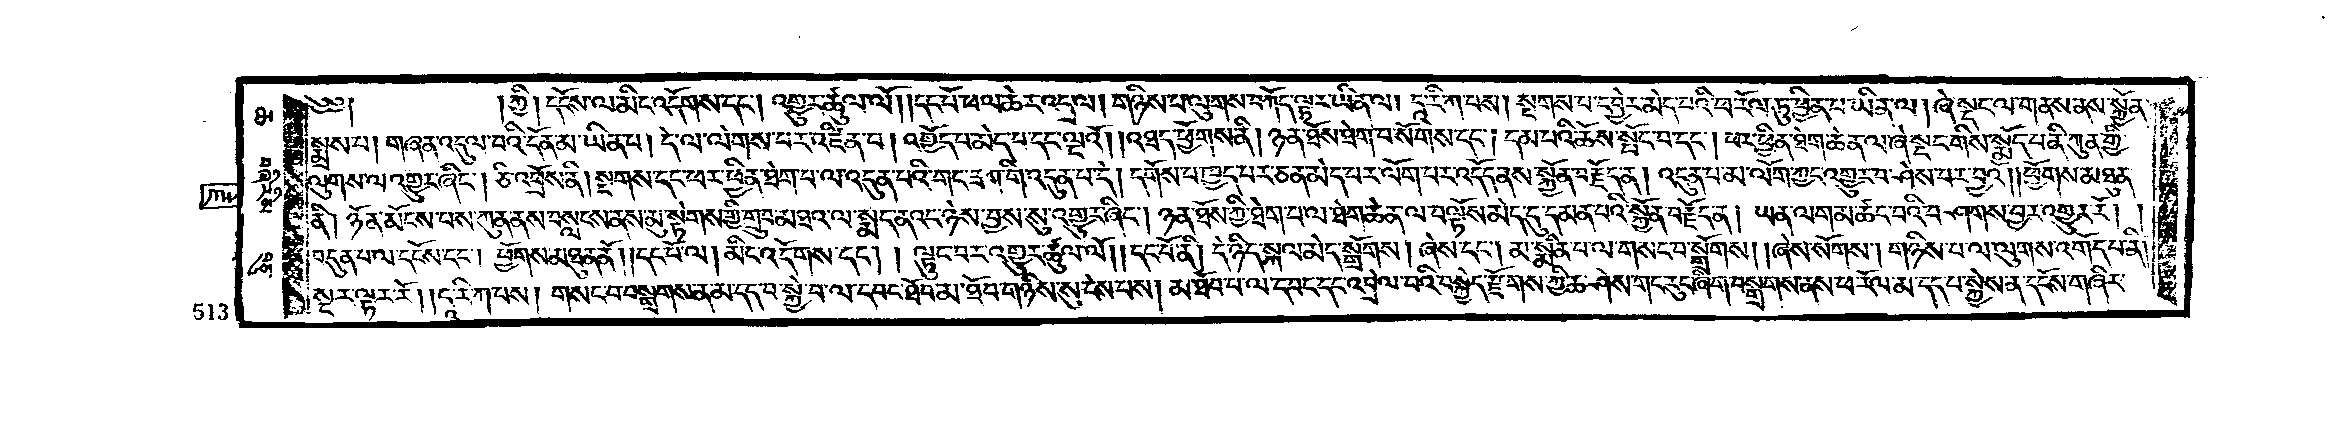༄༅། །ཀྱི། དངོས་ལ་མིང་འདོགས་དང་། འགྱུར་ཚུལ་ལོ། །དང་པོ་ཕལ་ཆེར་འདྲ་ལ། གཉིས་པ་ལུགས་བཀོད་ལྟར་ཡིན་ལ། དཱ་རི་ཀ་པས། སྔགས་པ་དབྱེར་མེད་པའི་ཕ་རོལ་ཏུ་ཕྱིན་པ་ཡིན་ལ། ཞེ་སྡང་ལ་གནས་ནས་སྐྱོན་
སྨྲས་པ། གཞན་འདུལ་བའི་དོན་མ་ཡིན་པ། དེ་ལ་ལེགས་པར་འཛིན་པ། འགྱོད་པ་མེད་པ་དང་ལྔའོ། །འཐད་ཕྱོགས་ནི། ཉན་ཐོས་ཐེག་པ་སོགས་དང་། དམ་པའི་ཆོས་སྤོང་བ་དང་། ཕར་ཕྱིན་ཐེག་ཆེན་ལ་ཞེ་སྡང་གིས་སྨོད་པ་ནི་ཀུན་གྱི་
ལུགས་ལ་འགྱུར་ཞིང་། ཅི་འཕྲོས་ནི། སྔགས་དང་ཕར་ཕྱིན་ཐེག་པ་ལ་འདུན་པའི་གང་ཟག་གི་འདུན་པ་དེ། དགོས་པ་ཁྱད་པར་ཅན་མེད་པར་ལོག་པར་འདོད་ནས་སྐྱོན་བརྗོད་ན། འདུན་པ་མ་ལོག་ཀྱང་འགྱུར་བ་ཤེས་པར་བྱའོ། །ཕྱོགས་མཐུན་
ནི། ཉོན་མོངས་པས་ཀུན་ནས་བསླངས་ནས་མུ་སྟེགས་ཀྱི་གྲུབ་མཐའ་ལ་སྨད་ནའང་ཉེས་བྱས་སུ་འགྱུར་ཞིང་། ཉན་ཐོས་ཀྱི་ཐེག་པ་ལ་ཐེག་ཆེན་ལ་བལྟོས་མེད་དུ་དམན་པའི་སྐྱོན་བརྗོད་ན། ཡན་ལག་མ་ཚང་བའི་བཤགས་བྱར་འགྱུར་རོ། །
བདུན་པ་ལ་དངོས་དང་། ཕྱོགས་མཐུན་ནོ། །དང་པོ་ལ། མིང་འདོགས་དང་། །ལྟུང་བར་འགྱུར་ཚུལ་ལོ། །དང་པོ་ནི། དེ་ཉིད་སྐལ་མེད་སྒྲོགས། ཞེས་དང་། མ་སྨིན་པ་ལ་གསང་བ་སྒྲོགས། །ཞེས་སོགས། གཉིས་པ་ལ་ལུགས་འགོད་པ་ནི།
སྔར་ལྟར་རོ། །དཱ་རི་ཀ་པས། གསང་བ་བསྒྲགས་ན་མ་དད་པ་སྐྱེ་བ་ལ་དབང་ཐོབ་མ་ཐོབ་གཉིས་སུ་ངེས་པས། མ་ཐོབ་པ་ལ་དབང་དང་འབྲེལ་བའི་བསྐྱེད་རྫོགས་ཀྱི་ཆ་ཤས་གང་རུང་ཞིག་བསྒྲགས་ནས་ཕ་རོལ་མ་དད་པ་སྐྱེས་ན་དངོས་གཞིར་